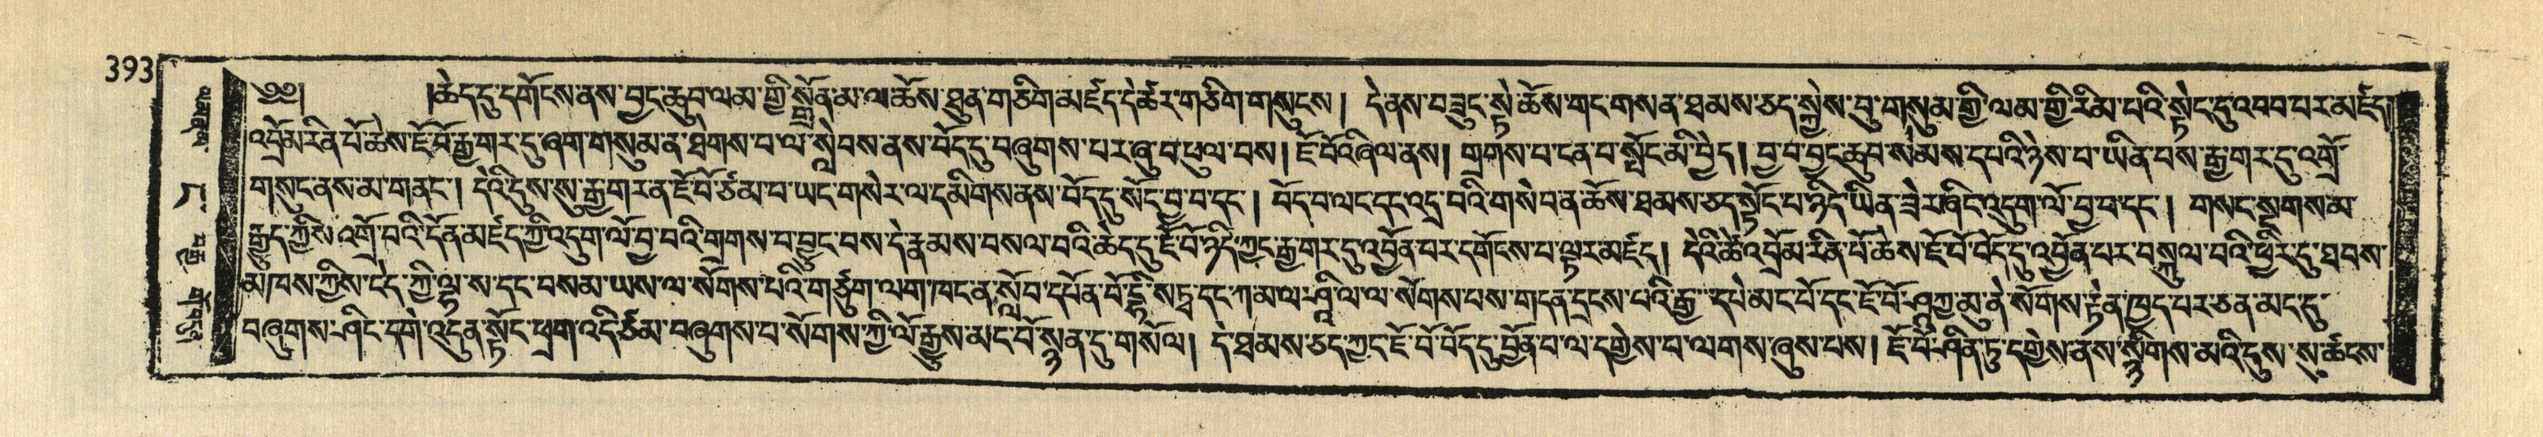༄༅། །ཆེད་དུ་དགོངས་ནས་བྱང་ཆུབ་ལམ་གྱི་སྒྲོན་མ་ལ་ཆོས་ཐུན་གཅིག་མཛད་དེ་ཚར་གཅིག་གསུངས། དེ་ནས་བཟུང་སྟེ་ཆོས་གང་གསན་ཐམས་ཅད་སྐྱེས་བུ་གསུམ་གྱི་ལམ་གྱི་རིམ་པའི་སྟེང་དུ་འབབ་བར་མཛད་
འབྲོམ་རིན་པོ་ཆེས་ཇོ་བོ་རྒྱ་གར་དུ་ཞག་གསུམ་ན་ཐེགས་པ་ལ་སླེབས་ནས་བོད་དུ་བཞུགས་པར་ཞུ་བ་ཕུལ་བས། ཇོ་བོའི་ཞལ་ནས། གྲགས་པ་ངན་པ་སྤོང་མི་བྱེད། བྱ་བ་བྱང་ཆུབ་སེམས་དཔའི་ཉེས་པ་ཡིན་པས་རྒྱ་གར་དུ་འགྲོ་
གསུང་ནས་མ་གནང་། དེའི་དུས་སུ་རྒྱ་གར་ན་ཇོ་བོ་ཙམ་པ་ཡང་གསེར་ལ་དམིགས་ནས་བོད་དུ་སོང་བྱ་བ་དང་། བོད་བ་ལང་དང་འདྲ་བའི་གསེབ་ན་ཆོས་ཐམས་ཅད་སྟོང་པ་ཉིད་ཡིན་ཟེར་ཞིང་འདུག་ལོ་བྱ་བ་དང་། གསང་སྔགས་མ་
རྒྱུད་ཀྱིས་འགྲོ་བའི་དོན་མཛད་ཀྱི་འདུག་ལོ་བྱ་བའི་གྲགས་པ་བྱུང་བས་དེ་རྣམས་བསལ་བའི་ཆེད་དུ་ཇོ་བོ་ཉིད་ཀྱང་རྒྱ་གར་དུ་འབྱོན་བར་དགོངས་པ་ལྟར་མཛད། དེའི་ཚེ་འབྲོམ་རིན་པོ་ཆེས་ཇོ་བོ་བོད་དུ་འབྱོན་པར་བསྐུལ་བའི་ཕྱིར་དུ་ཐབས་
མཁས་ཀྱིས་ངེད་ཀྱི་ལྷ་ས་དང་བསམ་ཡས་ལ་སོགས་པའི་གཙུག་ལག་ཁང་ན་སློབ་དཔོན་བོ་དྷི་སཏྭ་དང་ཀ་མ་ལ་ཤཱི་ལ་ལ་སོགས་པས་གདན་དྲངས་པའི་རྒྱ་དཔེ་མང་པོ་དང་ཇོ་བོ་ཤཱཀྱ་མུ་ནེ་སོགས་རྟེན་ཁྱད་པར་ཅན་མང་དུ་
བཞུགས་ཤིང་དགེ་འདུན་སྟོང་ཕྲག་འདི་ཙམ་བཞུགས་པ་སོགས་ཀྱི་ལོ་རྒྱུས་མང་བོ་སྙན་དུ་གསོལ། དེ་ཐམས་ཅད་ཀྱང་ཇོ་བོ་བོད་དུ་བྱོན་པ་ལ་དགྱེས་པ་ལགས་ཞུས་པས། ཇོ་བོ་ཤིན་ཏུ་དགྱེས་ནས་སྙིགས་མའི་དུས་སུ་ཚངས་